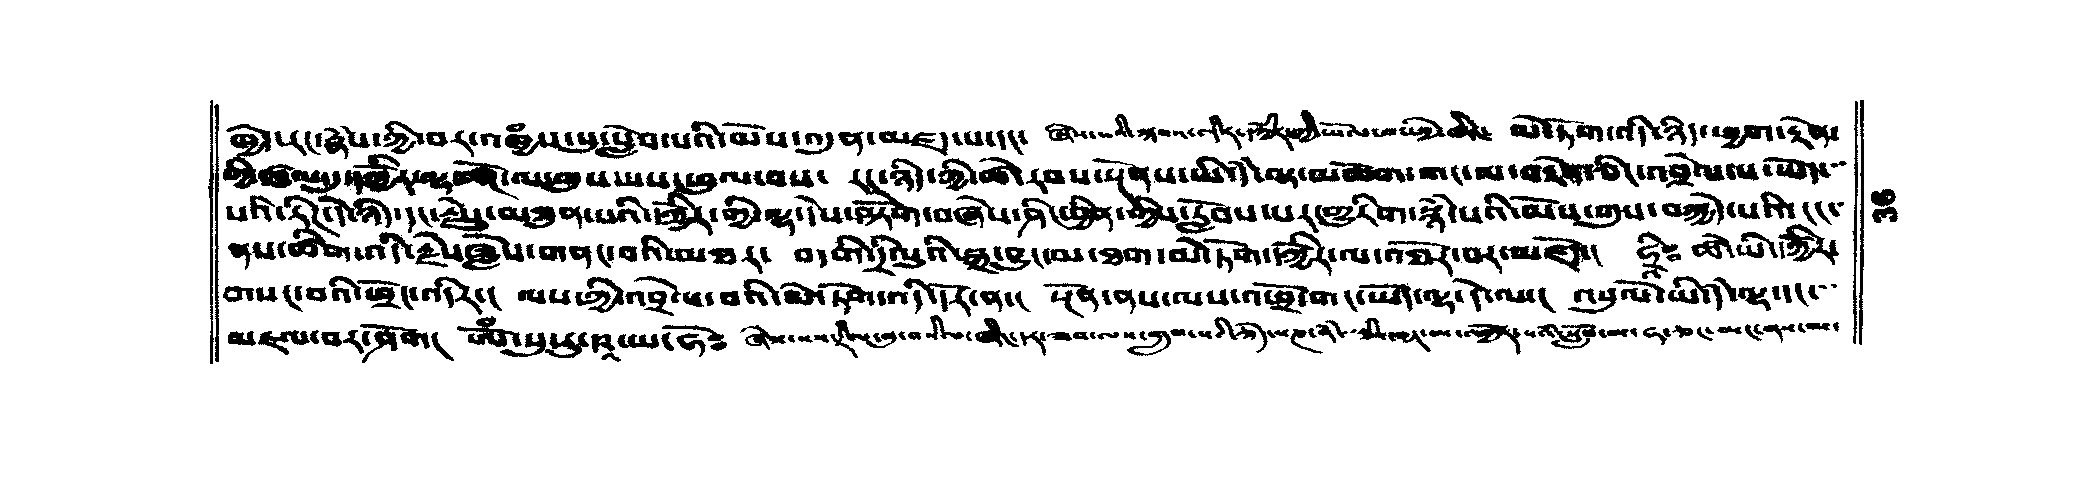ཁྱོད་རང་རྣམས་ཀྱི་བར་འཁྱམས་སུ་སླེབ་པའི་མོས་འདུན་མཛད་པ་དང་། ཞེས་པའི་སྐབས་འདིར་དཀྱིལ་འཁོར་གྱི་ཡོལ་བ་ཞིང་། མེ་ཏོག་འདི་ཉིད་ཕྱག་རྟེན་
གྱི་ཚུལ་དུ་དཀྱིལ་འཁོར་ལྷ་ཚོགས་མ་གུས་པས་ཕུལ་བས། རང་ཉིད་ཚེ་རབས་སྔོ་ནས་ཡི་དམ་ལྷ་མཆོག་གང་ལ་བརྟེན་ཅིང་འབྲེལ་བ་ཡོད་
པའི་རིགས་དེ་ཉིད་དང་རྗེས་སུ་མཐུན་པའི་དཀྱིལ་འཁོར་གྱི་ལྷ་དེས་མེ་ཏོག་བཞེས་ཤིང་ཕྱིན་གྱིས་རློབས་ཡར་གྱུར་རིག་སྙམ་པའི་མོས་གུས་བསྐྱེད་པའི་ངང་
ནས་ཚིག་འདི་རྗེས་ཟློས་གནང་བའི་མཐར། བདག་གི་དྲིལ་བུའི་སྒྲ་བྱུང་མ་ཐག་མེ་ཏོག་དཀྱིལ་འཁོར་ལ་འཐོར་བ་མཛོད། ཧྲཱིཿ ཚེ་ཡི་དཀྱིལ་འཁོར་
གསང་བའི་ཕོ་བྲང་འདིར། ལས་ཀྱི་འབྲེལ་བའི་མེ་ཏོག་འདི་དོར་ན། སྔོན་ནས་ལས་འཕྲོ་གང་ཡོད་ལྷ་དེ་ལ། འབུལ་ལོ་ཡི་དམ་ལྷ་དང་
མཇལ་བར་ཤོག ཨོཾ་སུ་རུ་རཱ་ཡ་ཧོཿ ཞེས་པས་དྲིལ་བུ་བསིལ་ཞིང་དར་ཟབ་ལས་སྒྲུབ་པའི་ཅོད་པཎ་རྣམ་་་་ཀྱང་མ་འབྱོར་པའམ་སློབ་མ་ཧ་ཅང་མང་ནས་མ་